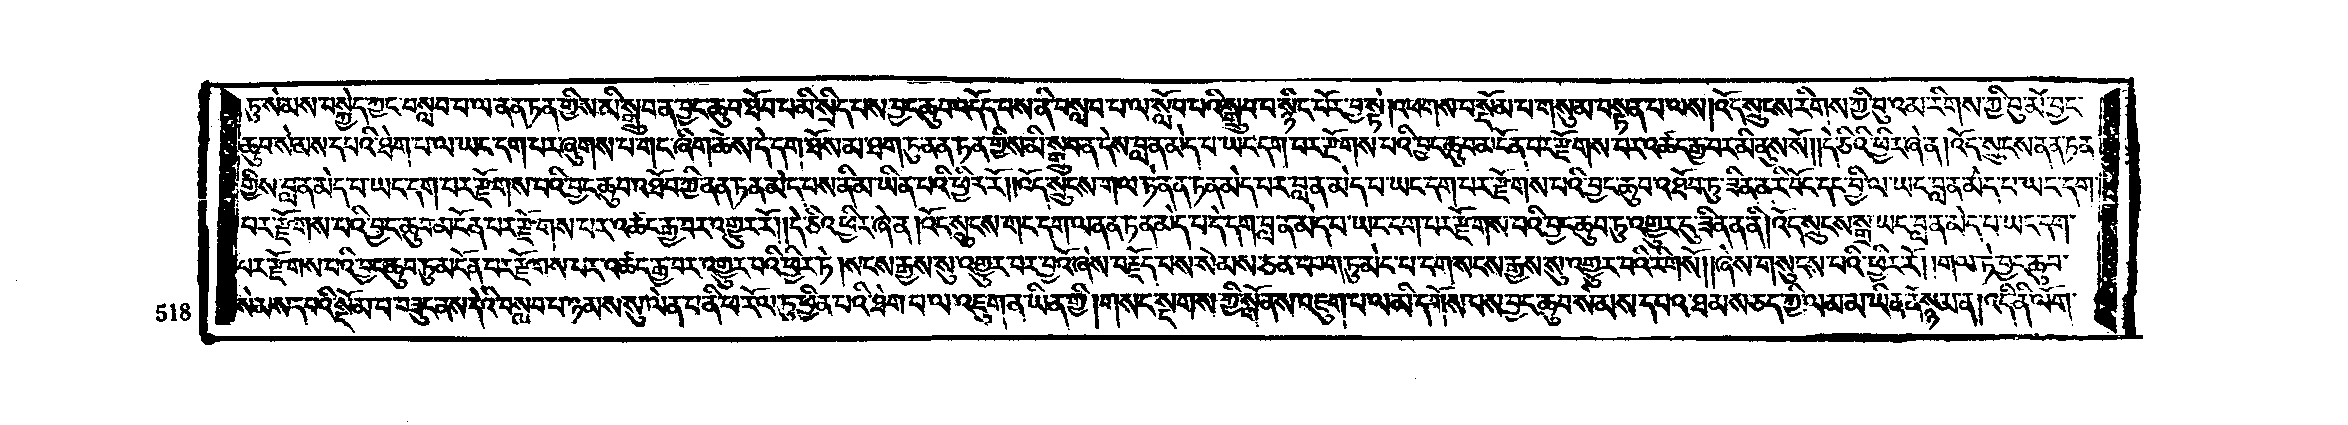ཏུ་སེམས་བསྐྱེད་ཀྱང་བསླབ་པ་ལ་ནན་ཏན་གྱིས་མི་སྒྲུབ་ན་བྱང་ཆུབ་ཐོབ་པ་མི་སྲིད་པས་བྱང་ཆུབ་འདོད་པས་ནི་བསླབ་པ་ལ་སློབ་པའི་སྒྲུབ་པ་སྙིང་པོར་བྱ་སྟེ། འཕགས་པ་སྡོམ་པ་གསུམ་བསྟན་པ་ལས། འོད་སྲུངས་རིགས་ཀྱི་བུ་འམ་རིགས་ཀྱི་བུ་མོ་བྱང་
ཆུབ་སེམས་དཔའི་ཐེག་པ་ལ་ཡང་དག་པར་ཞུགས་པ་གང་ཞིག་ཆེས་དེ་དག་ཐོས་མ་ཐག་ཏུ་ནན་ཏན་གྱིས་མི་སྒྲུབ་ན་དེས་བླ་ན་མེད་པ་ཡང་དག་པར་རྫོགས་པའི་བྱང་ཆུབ་མངོན་པར་རྫོགས་པར་འཚང་རྒྱ་བར་མི་ནུས་སོ། །དེ་ཅིའི་ཕྱིར་ཞེ་ན། འོད་སྲུངས་ནན་ཏན་
གྱིས་བླ་ན་མེད་པ་ཡང་དག་པར་རྫོགས་པའི་བྱང་ཆུབ་འཐོབ་ཀྱི་ནན་ཏན་མེད་པས་ནི་མ་ཡིན་པའི་ཕྱིར་རོ། །འོད་སྲུངས་གལ་ཏེ་ནན་ཏན་མེད་པར་བླ་ན་མེད་པ་ཡང་དག་པར་རྫོགས་པའི་བྱང་ཆུབ་འཐོབ་ཏུ་ཟིན་ན་རི་བོང་དང་བྱི་ལ་ཡང་བླ་ན་མེད་པ་ཡང་དག་
པར་རྫོགས་པའི་བྱང་ཆུབ་མངོན་པར་རྫོགས་པར་འཚང་རྒྱ་བར་འགྱུར་རོ། །དེ་ཅིའི་ཕྱིར་ཞེ་ན། འོད་སྲུངས་གང་དག་ལ་ནན་ཏན་མེད་པ་དག་བླ་ན་མེད་པ་ཡང་དག་པར་རྫོགས་པའི་བྱང་ཆུབ་ཏུ་འགྱུར་དུ་ཟིན་ན་ནི། འོད་སྲུངས་སྒྲ་ཡང་བླ་ན་མེད་པ་ཡང་དག་
པར་རྫོགས་པའི་བྱང་ཆུབ་ཏུ་མངོན་པར་རྫོགས་པར་འཚང་རྒྱ་བར་འགྱུར་བའི་ཕྱིར་ཏེ། སངས་རྒྱས་སུ་འགྱུར་བར་བྱའོ་ཞེས་བརྗོད་པས་སེམས་ཅན་དཔག་ཏུ་མེད་པ་དག་སངས་རྒྱས་སུ་འགྱུར་བའི་རིགས་སོ། །ཞེས་གསུངས་པའི་ཕྱིར་རོ། །གལ་ཏེ་བྱང་ཆུབ་
སེམས་དཔའི་སྡོམ་པ་བཟུང་ནས་དེའི་བསླབ་པ་ཉམས་སུ་ལེན་པ་ནི་ཕ་རོལ་ཏུ་ཕྱིན་པའི་ཐེག་པ་ལ་འཇུག་ན་ཡིན་གྱི། གསང་སྔགས་ཀྱི་སྒོ་ནས་འཇུག་པ་ལ་མི་དགོས་པས་བྱང་ཆུབ་སེམས་དཔའ་ཐམས་ཅད་ཀྱི་ལམ་མ་ཡིན་ནོ་སྙམ་ན། འདི་ནི་ལོག་